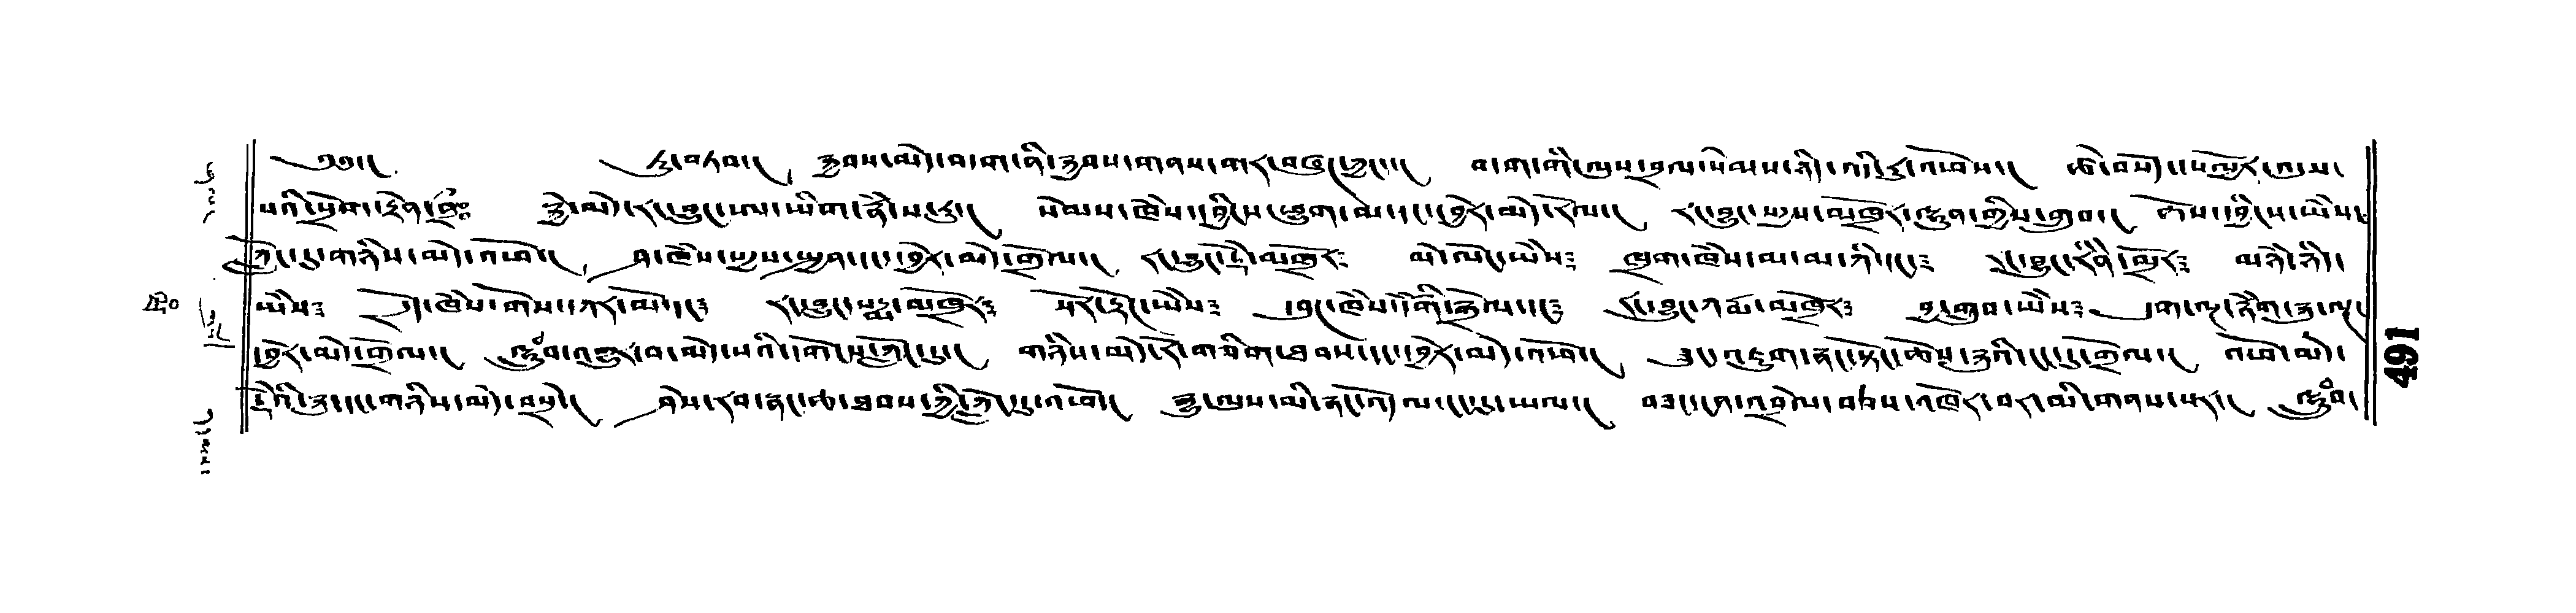ཏུ་བཏབ། །སྐྱབས་མེད་བདག་ནི་སྐྱབས་གནས་གར་བཞུགས་ཀྱང་། །བདག་གི་ལུས་བྲལ་སེམས་ཉིད་འདི་རུ་འཕོས། །ཚེ་བསོད་དཔལ་འབྱོར་འདུས་
པའི་སྲོག་རྟེན་ནྲྀ། །སྐྱེ་མེད་རང་བྱུང་ཨ་ཡིག་རྣམ་པ་རུ། །སེམས་ཁམས་དབྱིངས་ཕྱུག་མ་དང་དབྱེར་མེད་རོལ། །རང་བྱུང་སངས་རྒྱས་མཁའ་འགྲོར་ལྷུན་གྱིས་གྲུབ། །ཆོས་དབྱིངས་ཡེ་ཤེས་
ཀློང་དུ་གཉིས་མེད་འཕོ། །ཤ་ཁམས་སངས་རྒྱས་སྤྱན་དང་དབྱེར་མེད་གྲོལ། །རང་བྱུང་རྡོ་རྗེ་མཁའ་འགྲོར༴ མེ་ལོང་ཡེ་ཤེས༴ ཁྲག་ཁམས་མ་མ་ཀི་དང༴ རང་བྱུང་རིན་ཆེན་མཁའ་འགྲོར༴ མཉམ་ཉིད་
ཡེ་ཤེས༴ དྲོད་ཁམས་གོས་དཀར་མོ་དང༴ རང་བྱུང་པདྨ་མཁའ་འགྲོར༴ སོར་རྟོགས་ཡེ་ཤེས༴ དབུགས་ཁམས་དམ་ཚིག་སྒྲོལ་དང༴ རང་བྱུང་ཀརྨ་མཁའ་འགྲོར༴ བྱ་གྲུབ་ཡེ་ཤེས༴ དུག་ལྔ་རྣམ་དག་སྐུ་ལྔ་
དབྱེར་མེད་གྲོལ། །ལྷུན་གྲུབ་འགྱུར་བ་མེད་པའི་དགོངས་ཀློང་དུ། །གཉིས་མེད་རོ་གཅིག་ཐབས་དང་དབྱེར་མེད་འཕོ། །ཟུང་འཇུག་སྣང་སྟོང་ཆོས་སྐུའི་ངང་དུ་གྲོལ། །འཕོ་མེད་
རྡོ་རྗེའི་སྐུ་དང་གཉིས་མེད་བསྲེ། །ཤེས་རབ་སྣང་ཆ་ཐབས་ཀྱི་ཀློང་དུ་འཕོ། །སྒྱུ་ལུས་མི་སྣང་འོད་གསལ་ངང་དུ་ཡལ། །བཟང་ངན་འབྲེལ་བཅས་འཁོར་བར་མི་གནས་པར། །ལྷུན་གྲུབ་